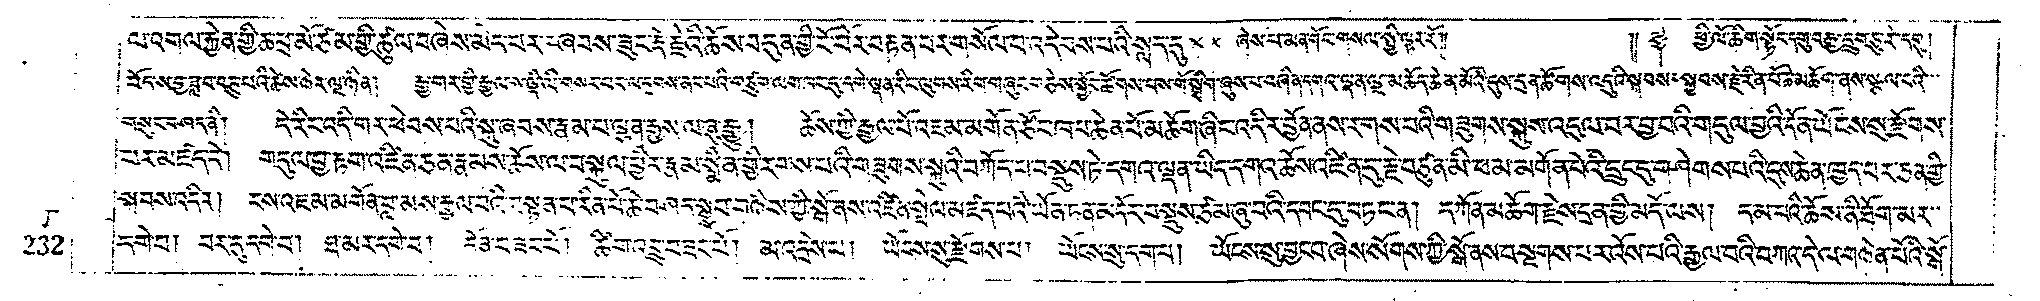ལ་འགལ་རྐྱེན་གྱི་ཆ་ཕྲ་མོ་ཙམ་གྱི་ཚུལ་བཞེས་མེད་པར ༧་ཞབས་ཟུང་རྡོ་རྗེའི་ཆོས་བདུན་གྱི་ངོ་བོར་བརྟན་པར་གསོལ་བ་འདེབས་པའི་སླད་དུ་྾་྾་ཞེས་པ་མན་གོང་གསལ་སྤྱི་ལྟར་རོ།། །། འ་ཕྱི་ལོ་ཆིག་སྟོང་དགུ་བརྒྱ་དྲུག་ཅུ་རེ་དགུ།
བོད་ས་བྱ་ཟླ་བ་བཅུ་པའི་ཚེས་ཉེར་ལྔ་ཉིན། རྒྱ་གར་གྱི་རྒྱལ་ས་ལྡི་ལི་གསར་བར་ལ་དྭགས་ནང་པའི་གཙུག་ལག་ཁང་དུ་དགེ་ལྡན་རིང་ལུགས་རིག་གཞུང་གཅེས་སྐྱོང་ཚོགས་པས་གོ་སྒྲིག་ཞུས་པ་བཞིན་དགའ་ལྡན་ལྔ་མཆོད་ཆེན་མོའི་དུས་དྲན་ཚོགས་འདུའི་སྐབས ༧་སྐྱབས་རྗེ་རིན་པོ་ཆེ་མཆོག་ནས་སྩལ་བའི་་་
གསུང་བཤད་ནི། དེ་རིང་འདི་གར་ཕེབས་པའི་སྐུ་ཞབས་རྣམ་པ་ལྷན་རྒྱས་ལ་ཞུ་རྒྱུ། ཆོས་ཀྱི་རྒྱལ་པོ་འཇམ་མགོན་ཙོང་ཁ་པ་ཆེན་པོ་མཆོག་ཞིང་འདིར་བྱོན་ནས་རགས་པའི་གཟུགས་སྐུས་འདུལ་བར་བྱ་བའི་གདུལ་བྱའི་དོན་ཡོངས་སུ་རྫོགས་
པར་མཛད་དེ། གདུལ་བྱ་རྟག་འཛིན་ཅན་རྣམས་ཆོས་ལ་བསྐུལ་ཕྱིར་རྣམ་སྨིན་གྱི་རགས་པའི་གཟུགས་སྐུའི་བཀོད་པ་བསྡུས་ཏེ་དགའ་ལྡན་ཡིད་དགའ་ཆོས་འཛིན་དུ་རྗེ་བཙུན་མི་ཕམ་མགོན་པོའི་དྲུང་དུ་གཤེགས་པའི་དུས་ཆེན་ཁྱད་པར་ཅན་གྱི་
སྐབས་འདིར། ངས་འཇམ་མགོན་བླ་མས་རྒྱལ་བའི་བསྟན་པ་རིན་པོ་ཆེ་བཤད་སྒྲུབ་གཉིས་ཀྱི་སྒོ་ནས་འཛིན་སྤེལ་མཛད་པའི་ཡོན་ཏན་མདོར་བསྡུས་ཙམ་ཞུ་བའི་དབང་དུ་བཏང་ན། དཀོན་མཆོག་རྗེས་དྲན་གྱི་མདོ་ལས། དམ་པའི་ཆོས་ནི་ཐོག་མར་་་
དགེ་བ། བར་དུ་དགེ་བ། ཐ་མར་དགེ་བ། དོན་བཟང་པོ། ཚིག་འབྲུ་བཟང་པོ། མ་འདྲེས་པ། ཡོངས་སུ་རྫོགས་པ། ཡོངས་སུ་དག་པ། ཡོངས་སུ་བྱང་བ་ཞེས་སོགས་ཀྱི་སྒོ་ནས་བསྔགས་པར་འོས་པའི་རྒྱལ་བའི་བཀའ་དེ་ལ་གཉེན་པོའི་སྒོ་